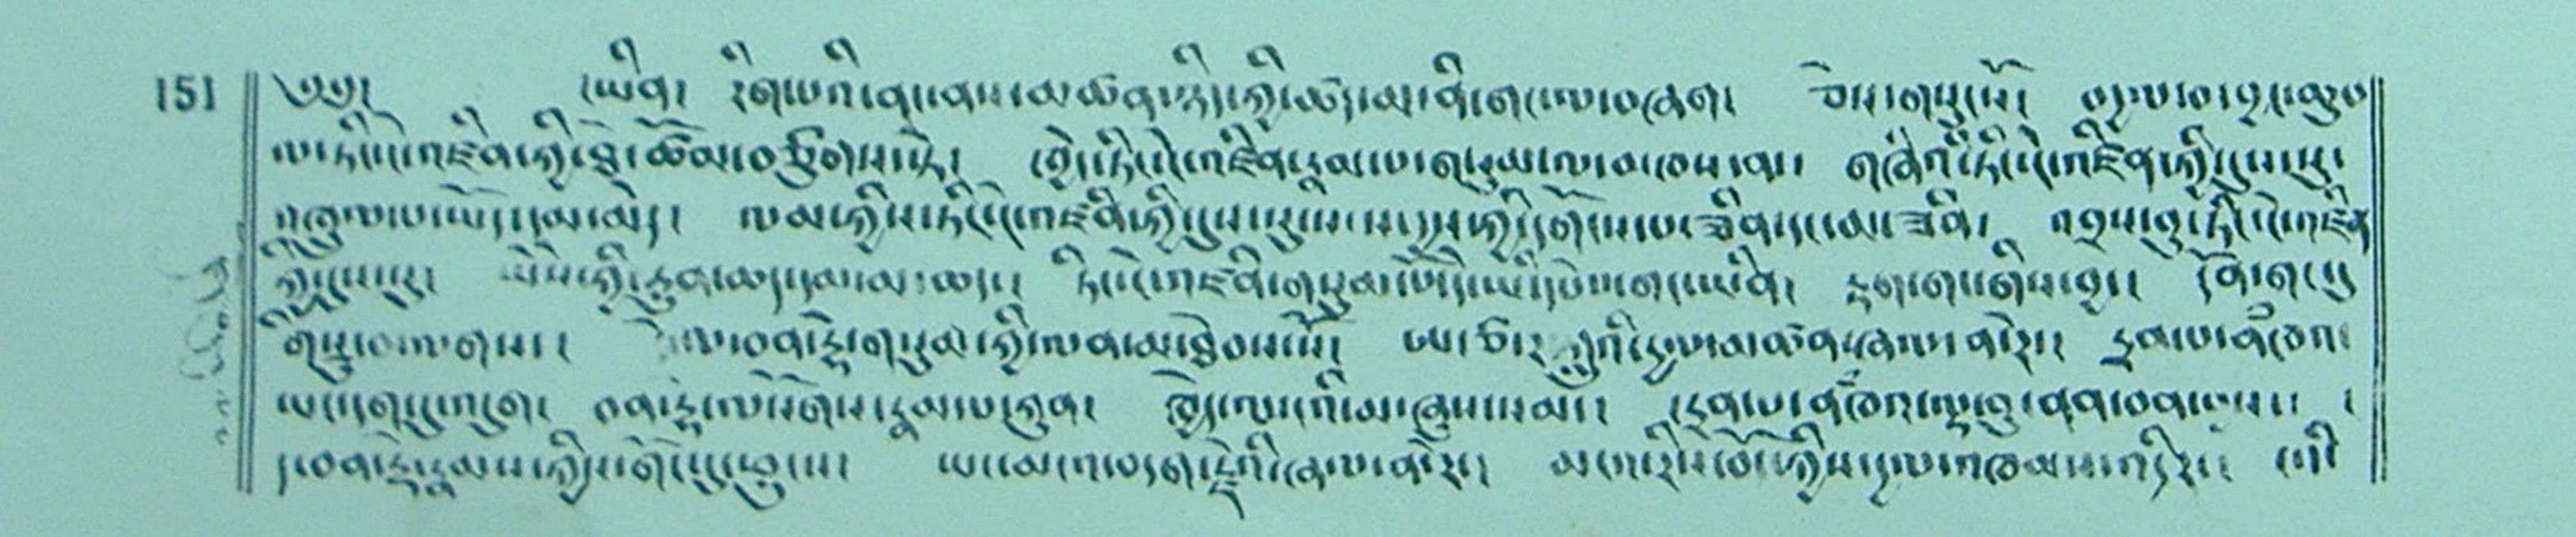༄༅། །ཡིན། རིགས་པའི་ནང་ནས་མཚན་ཉིད་ཀྱི་ཚད་མ་ནི་གང་ལ་བཞག ཅེས་གསུངས་སོ། །རྒྱལ་བོ་བྱང་ཆུབ་
ལ་ཏིང་ངེ་འཛིན་གྱི་ཐེ་ཙོམ་བཙུགས་ཏེ། ཁྱེད་ཏིང་ངེ་འཛིན་རྣམ་པ་གསུམ་ལ་མཁས་ན། གཞིའི་ཏིང་ངེ་འཛིན་གྱི་དུས་སུ་
འཁྲུལ་བ་ཡོད་དམ་མེད། ལམ་གྱི་ཏིང་འཛིན་གྱི་དུས་སུ་སངས་རྒྱས་ཀྱི་དགོངས་པ་ཟིན་དང་མ་ཟིན། འབྲས་བུའི་ཏིང་ངེ་འཛིན་
གྱི་དུས་སུ། ཡེ་ཤེས་ཀྱི་རྒྱུན་ཆད་དམ་མ་ཆད། ཏིང་ངེ་འཛིན་གསུམ་པོ་དེའི་དཔེ་གང་ཡིན། རྟགས་གང་གིས་བྱ། དོན་གང་དུ་
བསྡུས་པ་ལགས། དེ་ལ་བན་དྷེ་གསུམ་གྱི་ལན་མ་ཐེབས་སོ། ཨ་ཙ་ར་ཀླུའི་རྒྱལ་མཚན་ཞལ་ན་རེ། དྲན་པ་ནམ་མཁའ་
ཡང་དག་ཏུ་འདུག བན་དྷེ་ལས་སོགས་རྣམ་པ་ཀུན། ཁྱེད་ལ་ང་ཡིས་མ་ཞུས་སམ། དྲན་པ་ནམ་མཁའ་ལྟ་བུ་ནན་བན་བྱས། 
ད་བན་དྷེ་རྣམས་ཀྱིས་གོང་དུ་ཕྱུངས། ཡང་མངའ་བདག་རྗེའི་ཞལ་ན་རེ། མངའ་རིས་བོད་ཀྱི་རྒྱལ་ཁམས་འདིར། ངའི་